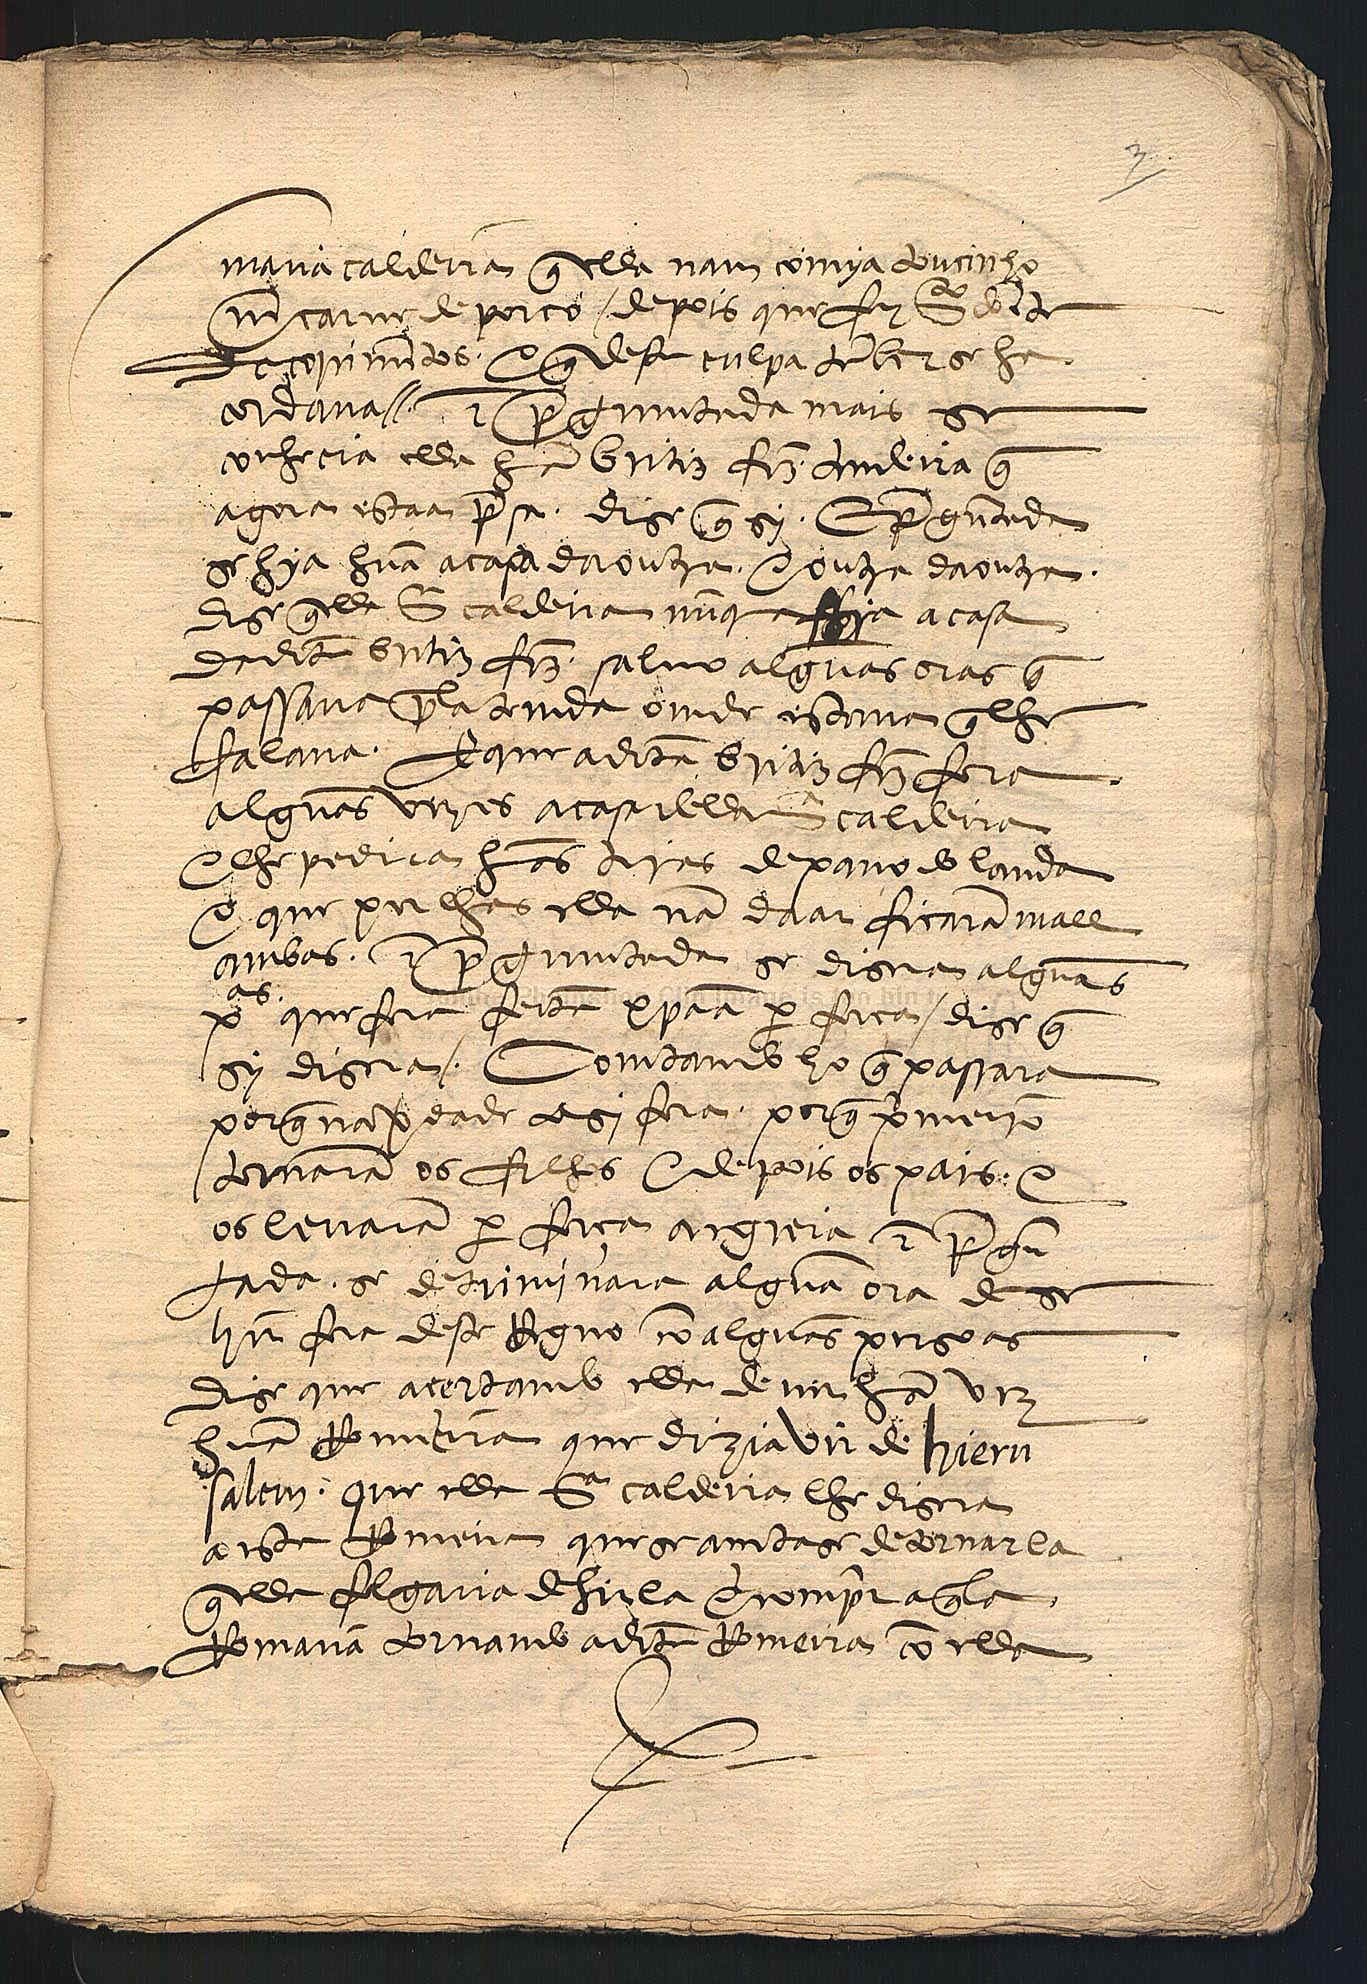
maria caldeira q̅ ella nam comya toucinho
nē carne de porco / depois que foy mto doe̅te
de corrime̅tos. e q̅ desta culpa ta̅bem se ha
cordaua //. item p̄gumtada mais se
conhecia ella hūa britiz frz temdeira q̅
agora estaa p̄sa dise q̅ sy. E p̄gu̅tada
se hya hu̅a a casa da outra e outra da outra
dise q̅ ella m̄a caldeira nu̅qua ffora a casa
da dit̅a britiz fr̅z saluo algūas oras q̅
passaua p̄la temda omde estaua q̅ lhe
falaua. E que a dit̅a britiz fr̅z fora
algu̅as vezes a casa della ma caldeira
e lhe pedira hu̅as tiras de pano dolanda
e que por lhas ella na̅ daar ficara̅ mall
ambas. item p̄gumtada se disera algu̅as
pas que fora feit̅a xpa̅a ꝑ força / dise q̅
sy disera /. Comtamdo ho q̅ passara
porq̅ na ꝟdade asj fora porq̅ p̄meiro
tomara̅ os filhos e depois os pais. e
os leuara̅ ꝑ força a egreia item p̄gu̅
tada se detrimjnara algu̅a ora de se
hir fora deste Regno co̅ algu̅as pessoas
dise que açertando ella de uir hu̅a vez
hu̅a Romeira que dizia vir de hieru
salem. que ella m̄a caldeira lhe disera
a esta Romeira que se aceitase de tornar la
q̅ ella folgaria de hir e a comp̅r aq̅la
Romaria tornando a dit̅a Romeira c̅o ella
